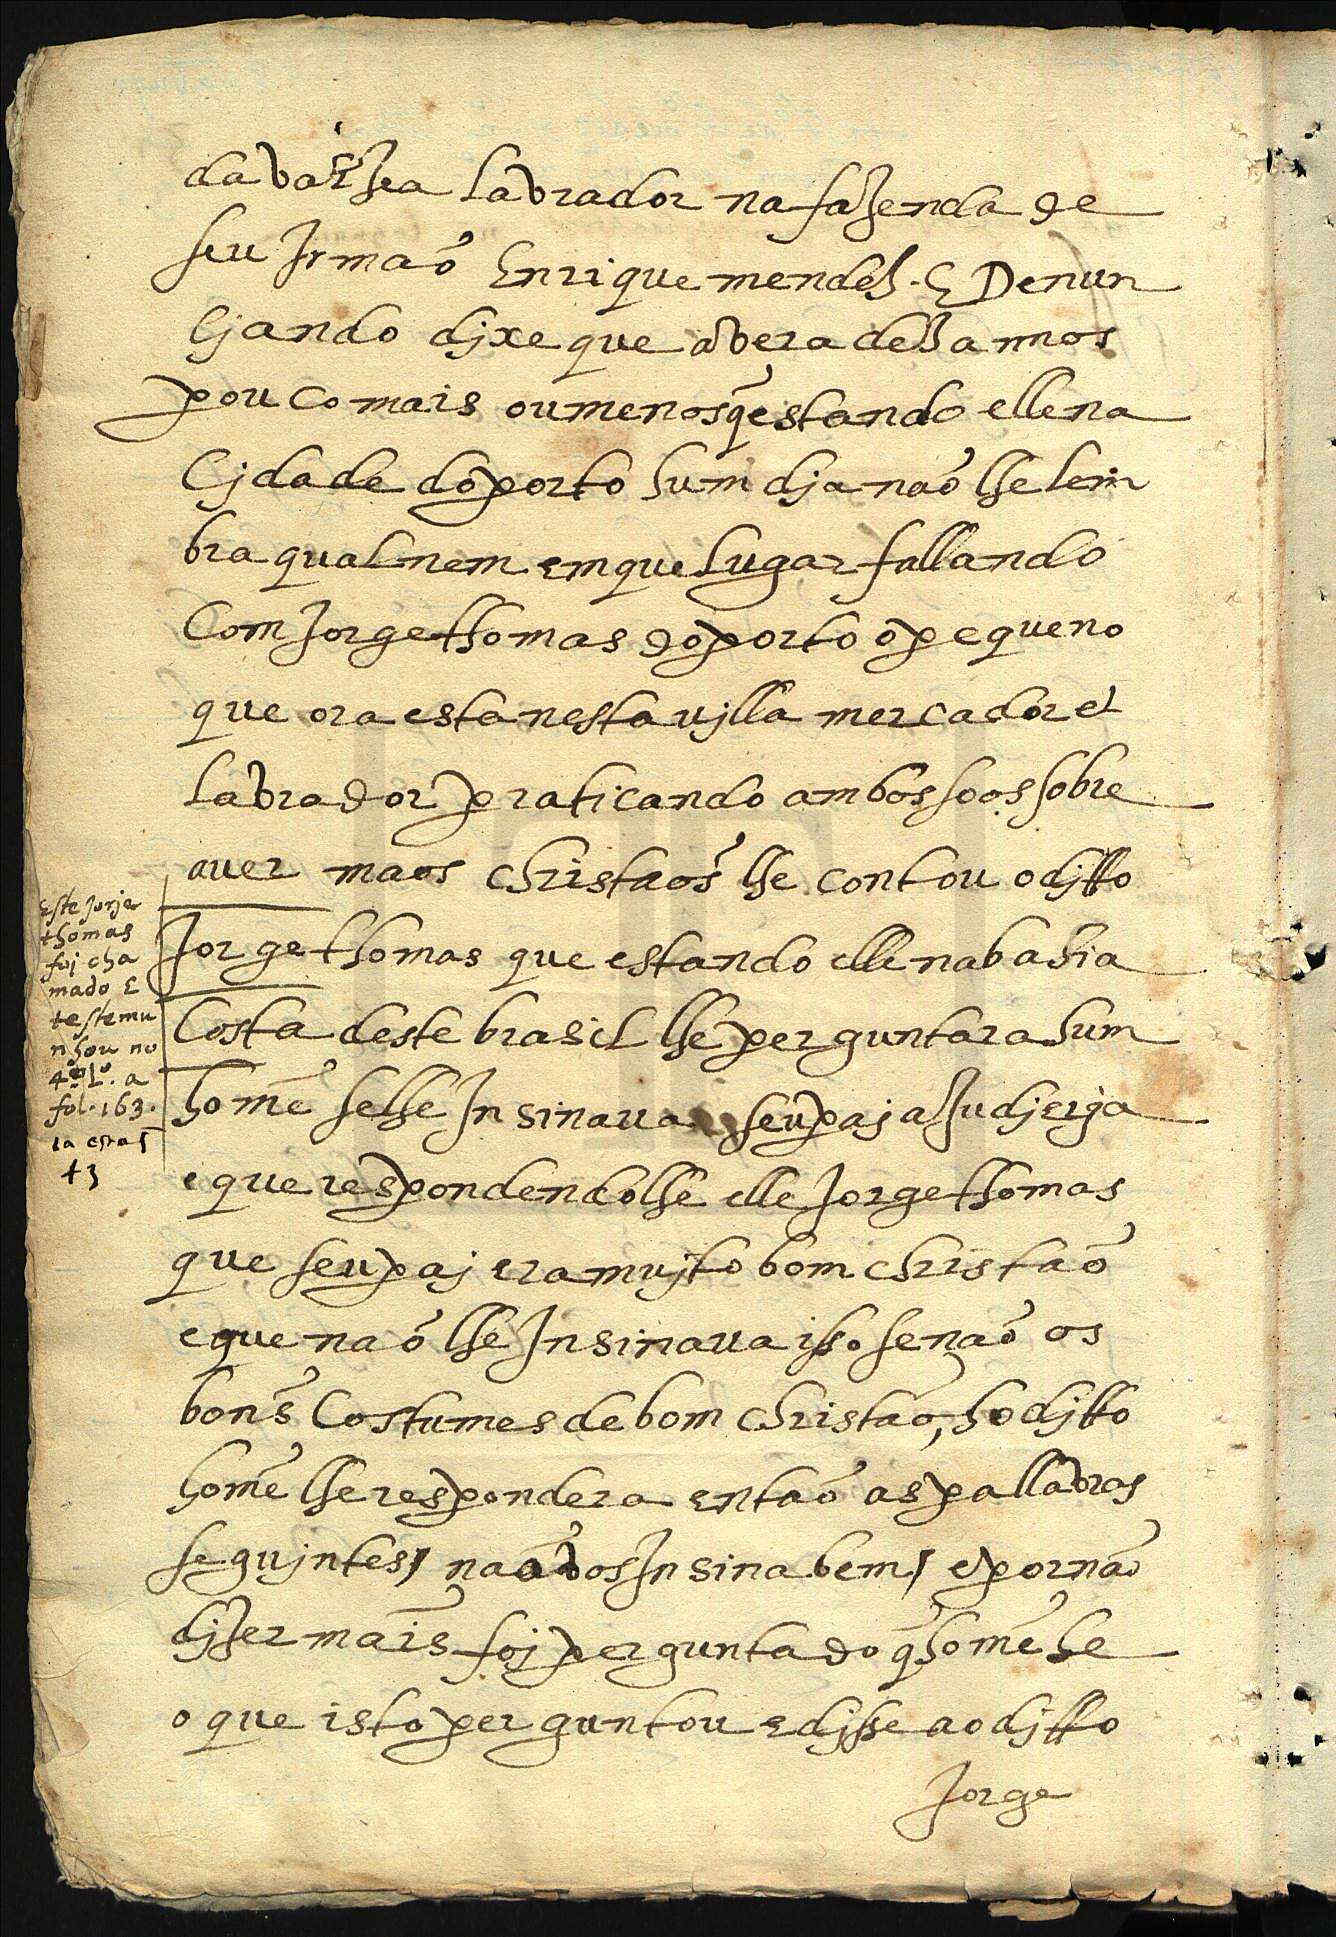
da varzea Laurador na fazenda de
seu Jrmaõ Enrique mendez. E Denun
cjando djxe que avera dez annos
pouco mais ou menos q̄ estando elle na
Cjdade do porto hum dja naõ lhe lem
bra qual nem Em que Lugar fallando
Com Jorge thomas do porto o pequeno
que ora esta nesta ujlla mercador &
Lavrador praticando ambos soos sobre
auer maos christaos̄ lhe contou o djtto
Jorge thomas que estando elle na bahia
Costa deste brasil lhe perguntara hum
homē se lhe Jnsinaua seu paj a Judjerja
o que respondendolhe elle Jorge thomas
que seu paj era mujto bom christaõ
e que naõ lhe Jnsinaua isso senaõ os
bons̄ Costumes de bom christaõ, ho djtto
homē lhe respondera Entaõ as pallavras
segujntes / naõ vos Jnsina bem/ e por naõ
djzer mais foj perguntado q̄ homē he
o que isto perguntou E djsse ao djtto
Jorge
